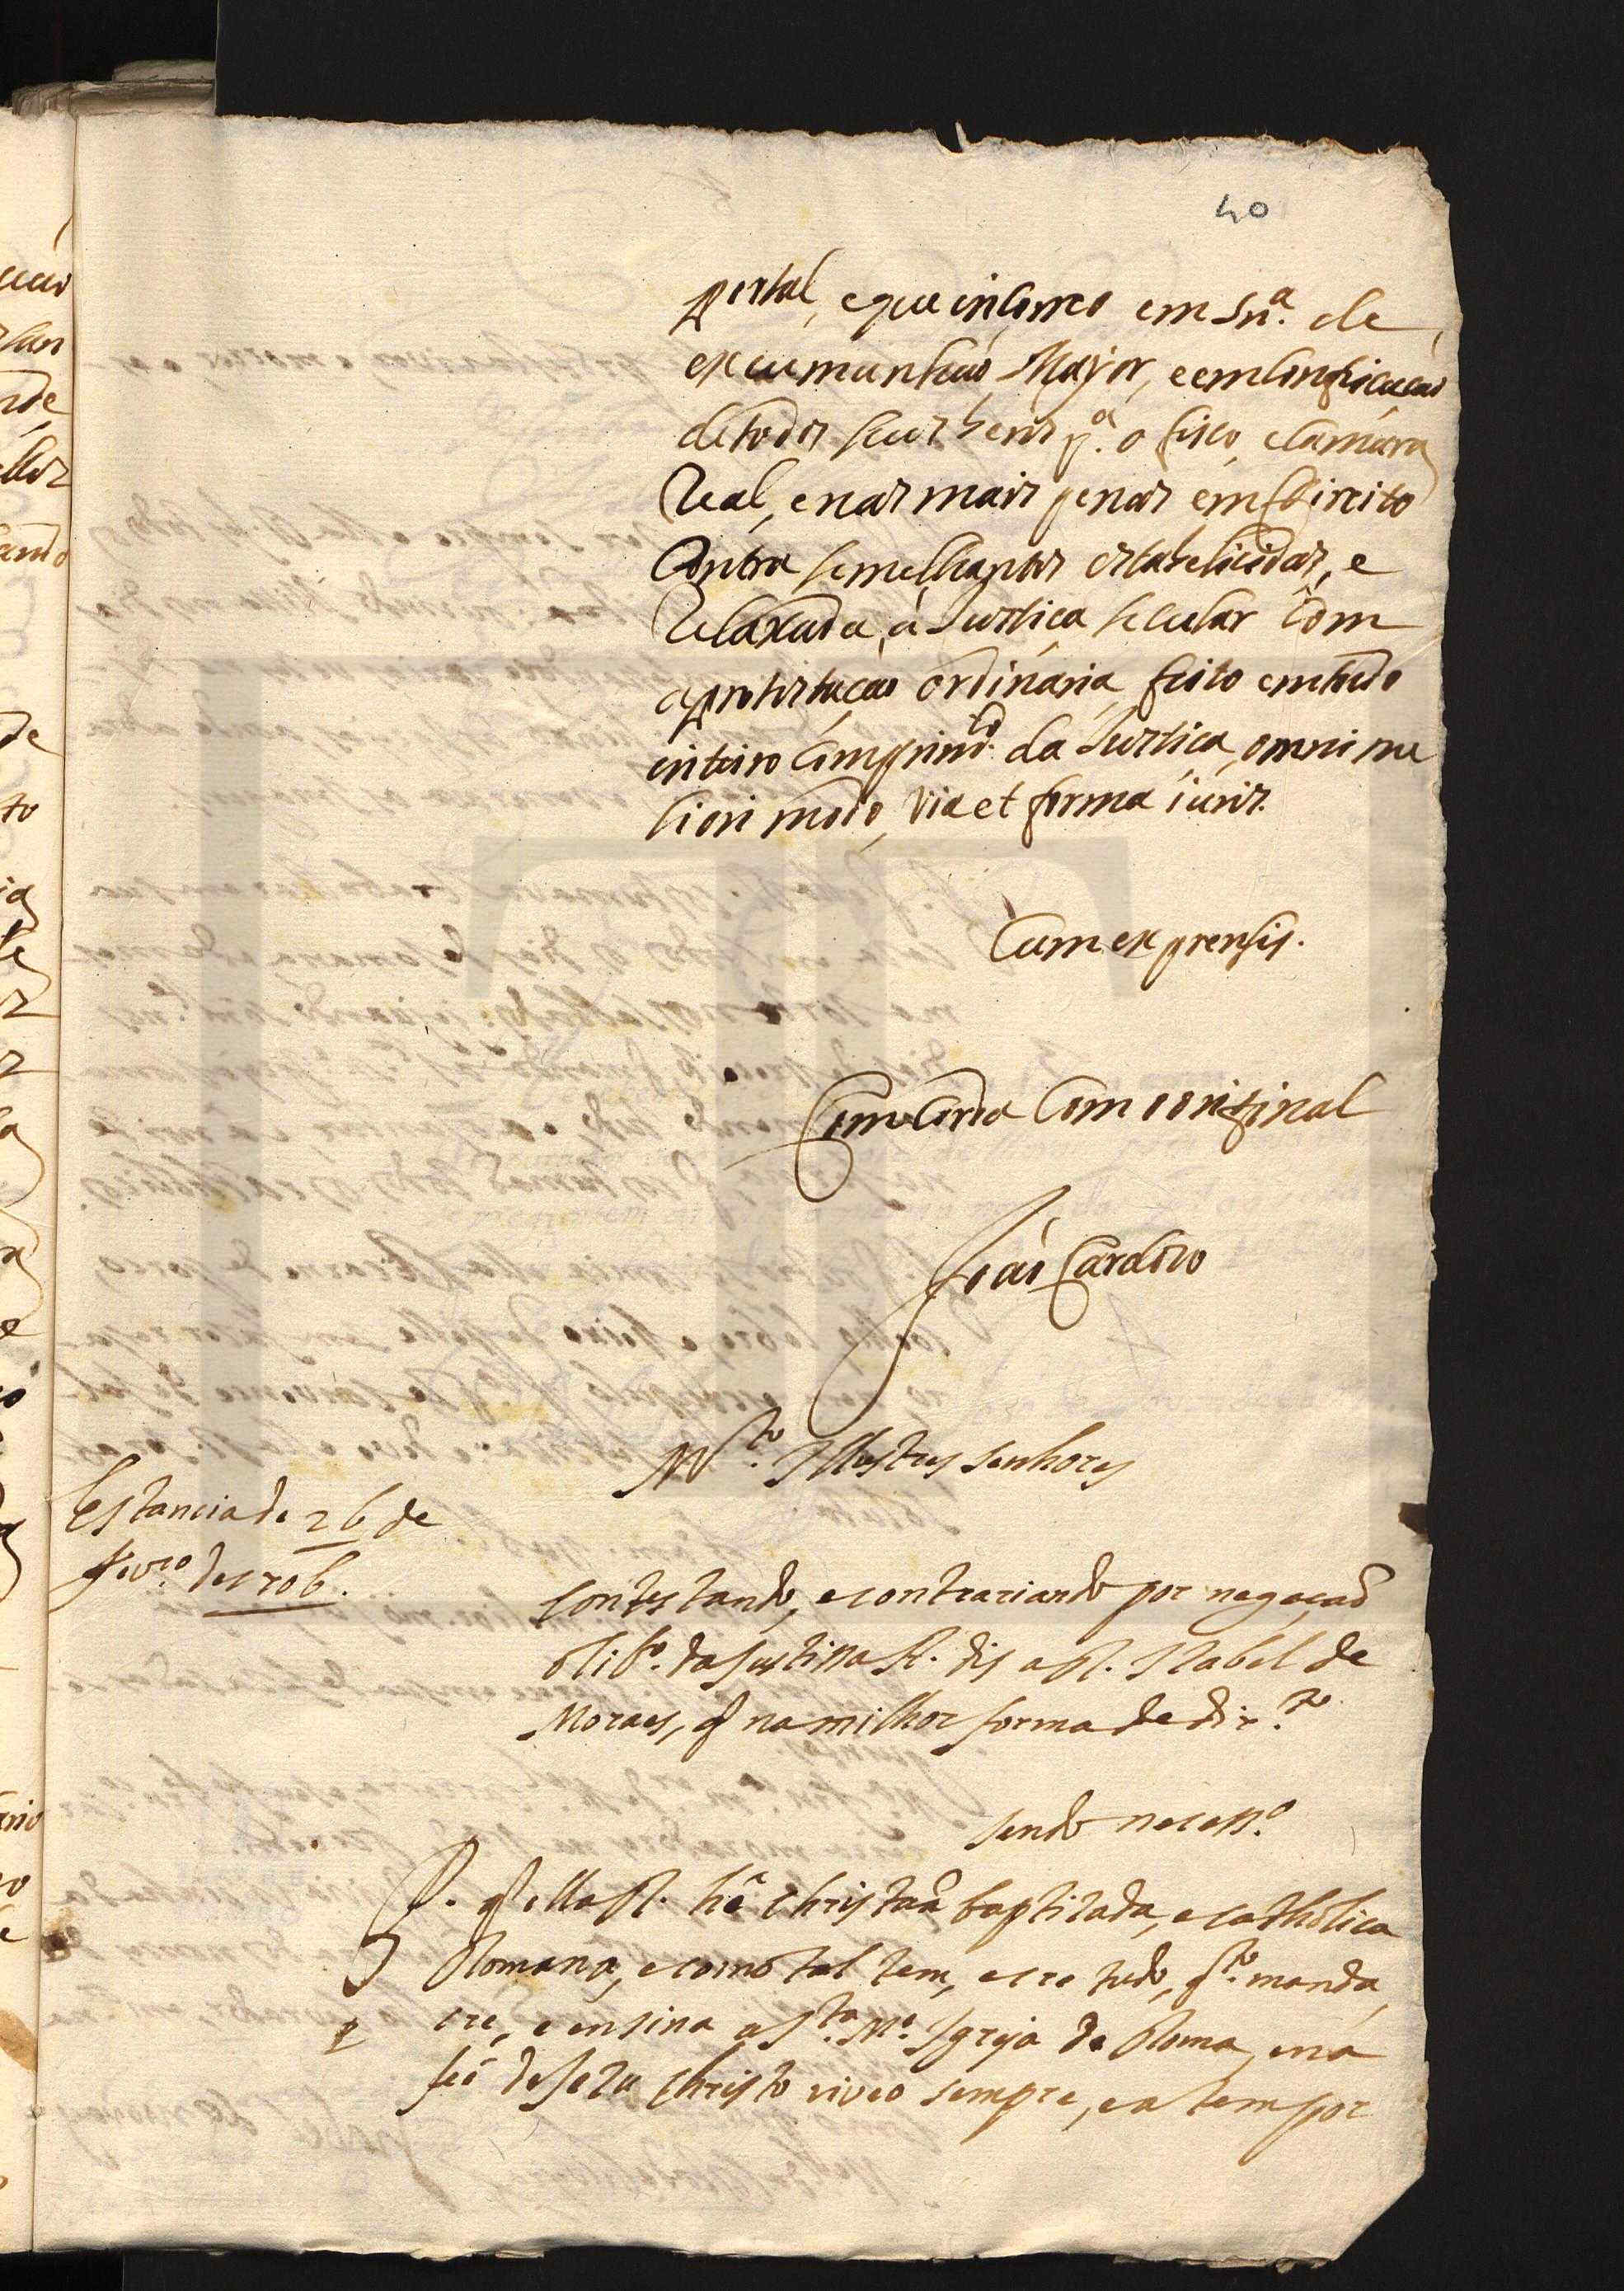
portal, e que incorreo em sn.a de
excumunhaõ Mayor, e em Confiscaçaõ
de todos seus bens p.a o fisco, e Camara
Real, e nas mais penas em Direito
Contra semelhantes estabelicidas, e
Relaxada á Iustiça secular com
a protestação ordinaria, feito em tudo
inteiro comprim.to da Iustiça, omni me
liori modo, via et forma iuris.
Cum expensis.
Comcorda com o original
Joaõ Cardozo
M.to Illustres Senhores
Estancia de 26 de
fev.ro de 1706.
Contestando, e contrariando por negaçaõ
o lib.o da justissa A. dis a R. Izabel de
Moraes, q̄ na milhor forma de dir.to
sendo necess.o
D. q̄ ella R. hé christaã baptizada, e catholica
Romana, e como tal tem, e cre tudo, q.to manda
cre, e ensina a s.ta M.e Igreja de Roma, e na
feé de Jezu Christo viveo sempre, e a tem por
